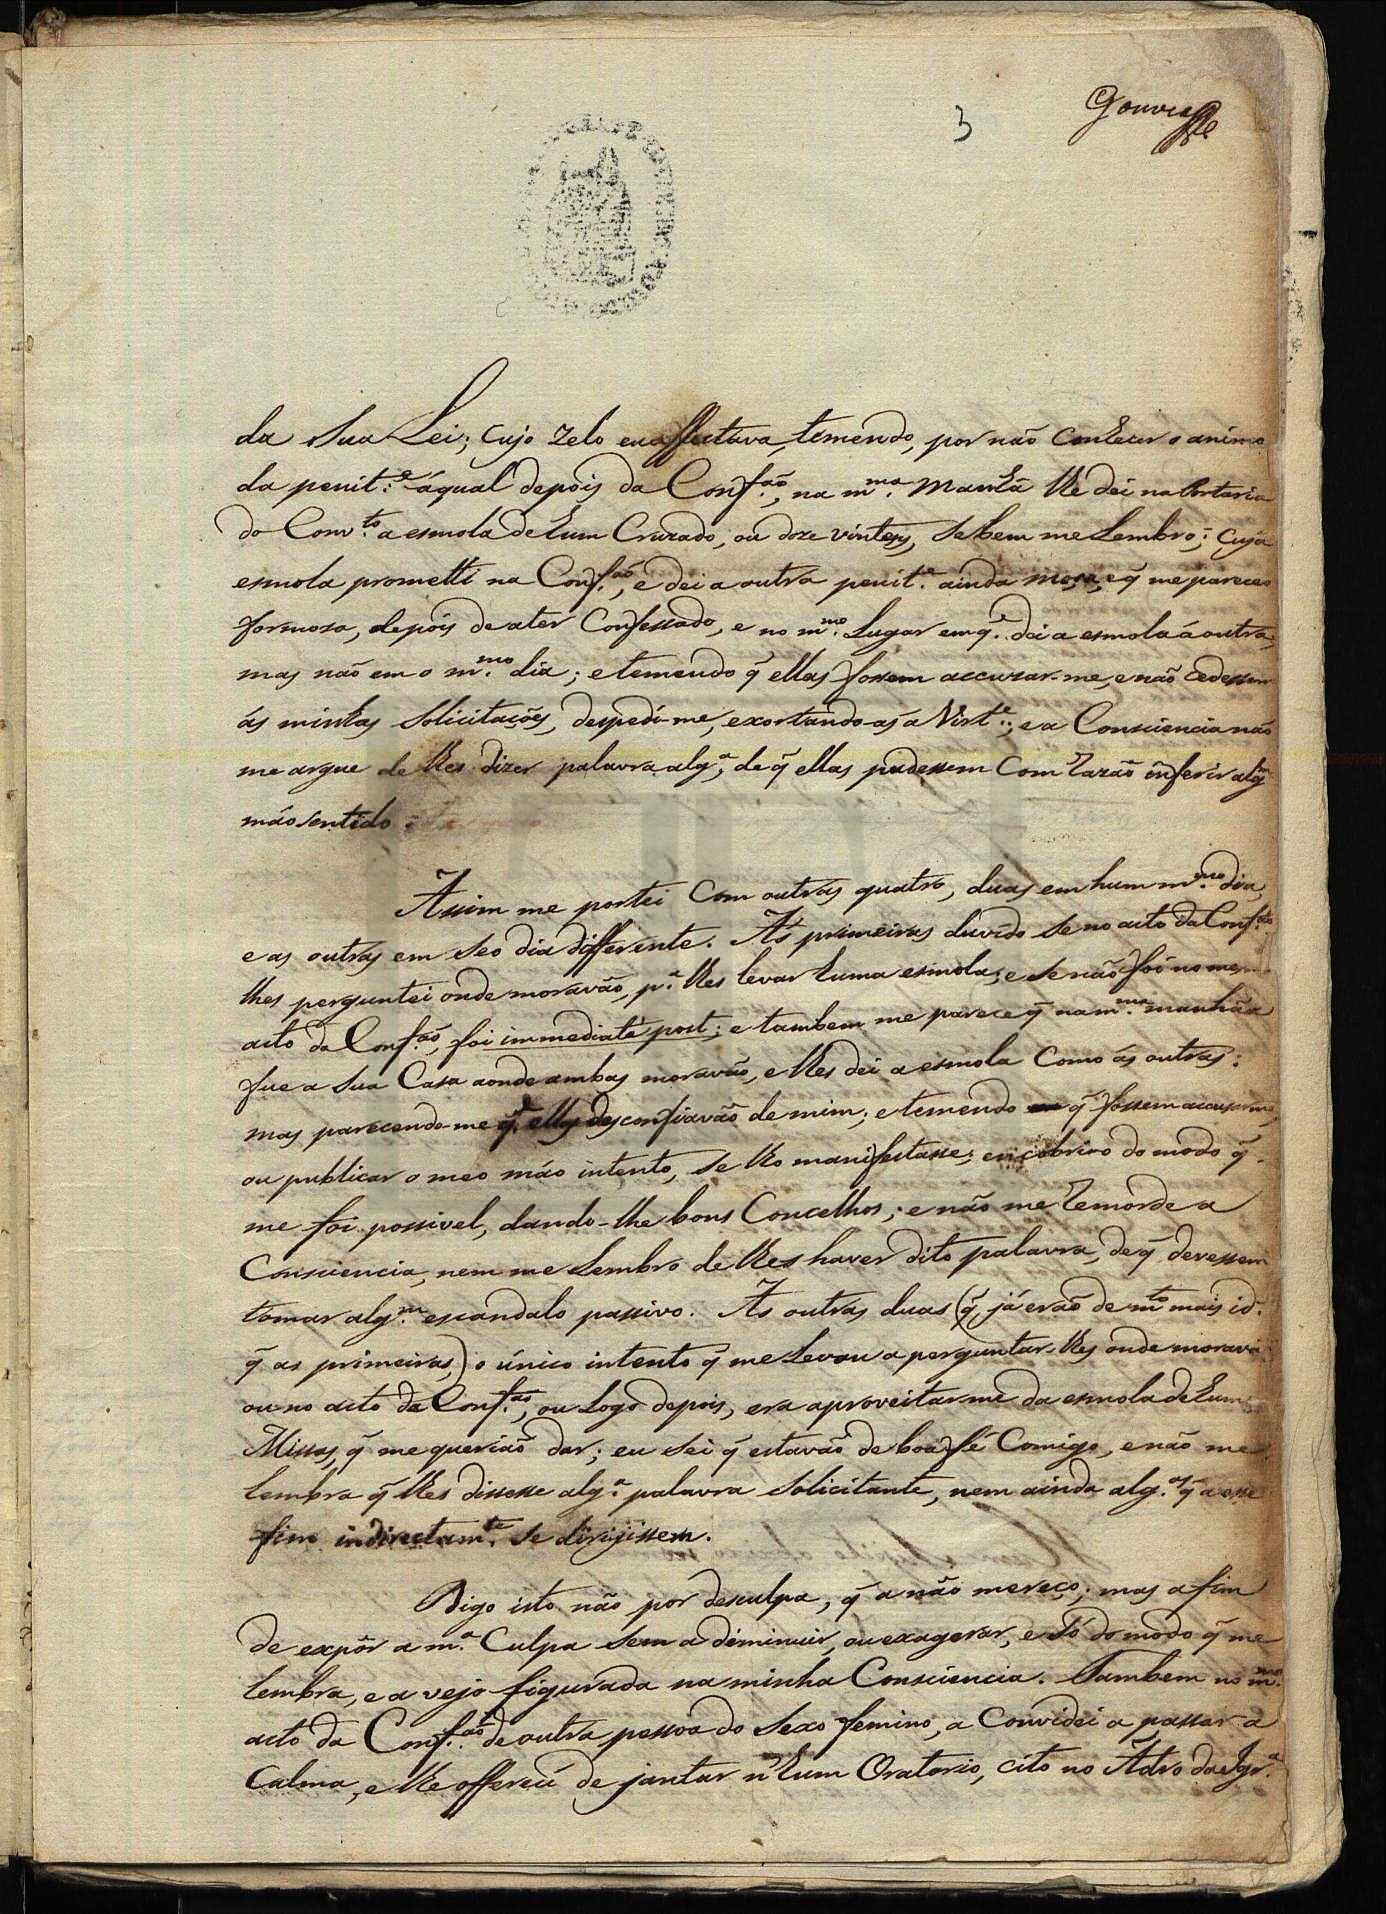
da sua Lei; cujo zelo eu affectava, temendo, por por naõ conhecer o animo
da penit.e á qual depois da Conf.aõ, na m.ma manhã lhe dei na portaria
do Conv.to a esmola de hum cruzado, ou doze vintens, se bem me lembro; cuja
esmola prometti na Conf.aõ, e dei a outra penit.e ainda mōça, e q̄ me pareceo
formoza, depois de a ter confessado, e no m.mo lugar em q̄ dei a esmola á outra,
mas naõ em o m.mo dia; e temendo q̄ ellas fossem accuzar-me, e naõ cedessem
ás minhas solicitações, despedi-me, exortando-as á Virt. ; e a Consciencia naõ
me argue de lhes dizer palavra alg.a, de q̄ ellas pudessem com razaõ enferir alg.m
máo sentido.
Assim me portei com outras quatro, duas em hum m.mo dia,
e as outras em seo dia differente. As primeiras duvido se no acto da Conf.aõ
lhes perguntei onde moravaõ, p.a lhes levar huma esmola; e e se naõ foi no mesmo
acto da Conf.aõ, foi immediate post; e tambem me parece q̄ na m.ma manhãa
fue a sua Casa onde ambas moravaõ, e lhes dei a esmola como ás outras:
mas parecendo-me q̄ ellas desconfiavaõ de mim; e temendo _ q̄ fossem acusar-me,
ou publicar o meo máo intento, se lho manifestasse, encobrio do modo q̄
me foi possivel, dando-lhe bons Concelhos; e naõ me remorde a
Consciencia, nem me lembro de lhes haver dito palavra, de q̄ devessem
tomar alg.m escandalo passivo. As outras duas (q̄ já eraõ de m.to mais id.
q̄ as primeiras,) o único intento q̄ me levou a perguntar-lhes onde morava
ou no acto da Conf.aõ, ou logo depois, era aproveitar-me da esmola de hum_
Missas, q̄ me queriaõ dar; eu sei q̄ estavaõ de boa fé Comigo, e naõ me
lembra q̄ lhes dissesse alg.a palavra solicitante, nem ainda alg.as q̄ a esse
fim indirectam.te se dirigissem.
Digo isto naõ por desculpa, q̄ a naõ mereço, mas afim
de expôr a m.a Culpa sem a diminuir, ou exagerar, e só do modo q̄ me
lembra, e a vejo figurada na minha Consciencia. Tambem no m.mo
acto da Conf.aõ de outra pessoa do sexo femino, a convidei a passar a
calma, e lhe offerecí de jantar n'hum Oratorio, cito no Adro da Igr.a
